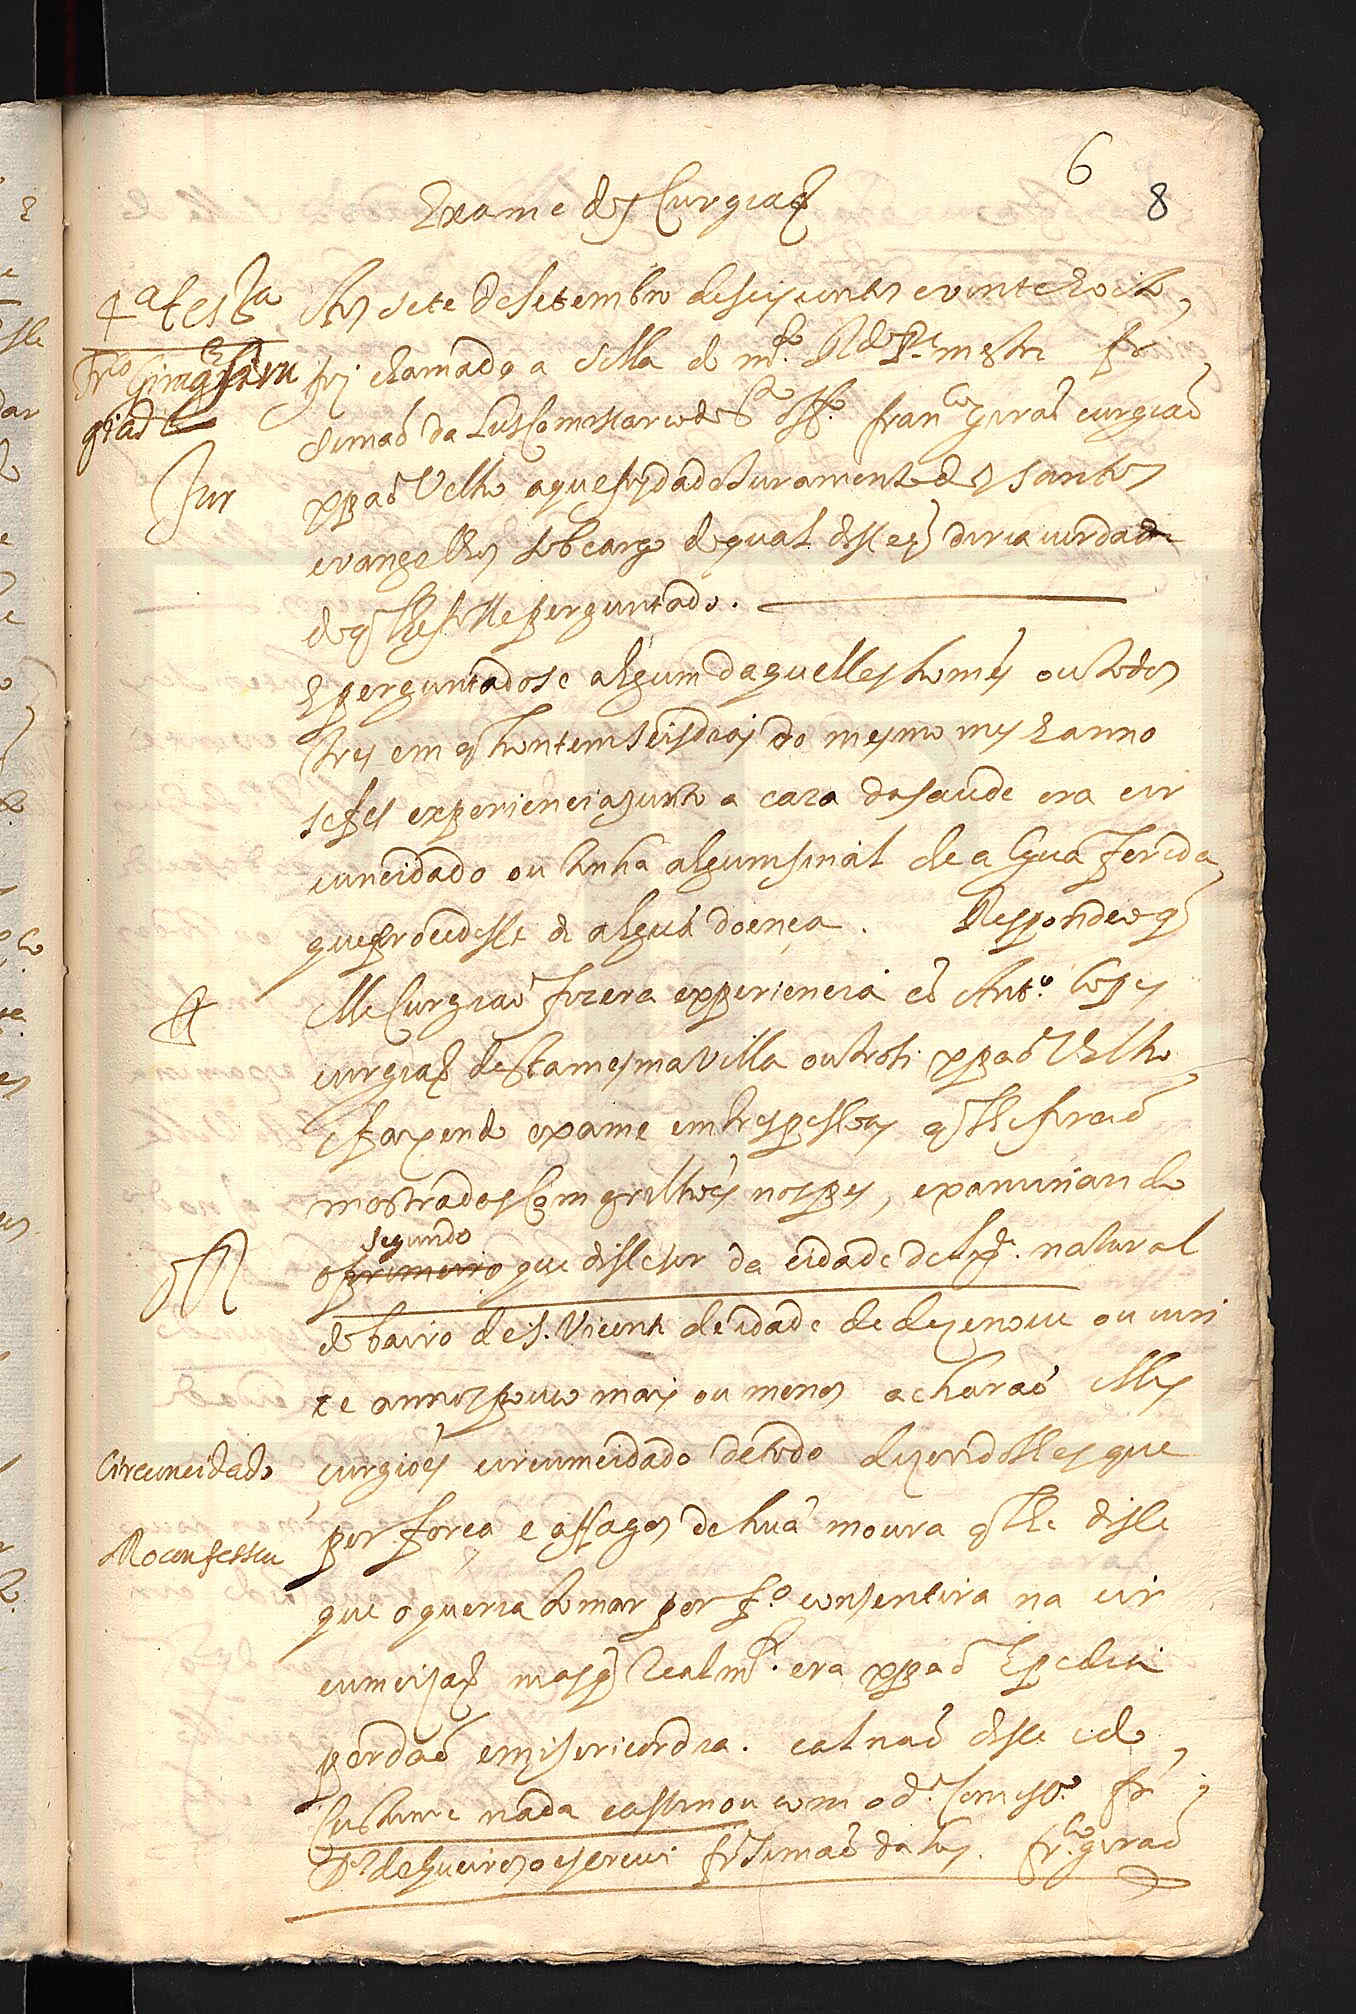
Exame dos Curgiaõ
Aos sete de Setembro de seiscentos e vinte E oito
4a testa
Frco Giraõ Siru
giaõ
foj chamado a Sella do m.to Rdo P.e mestre fr
Simaõ da Lus Comissario do sto off.o franco giraõ curgiaõ
xpaõ Velho a que foy dado Iuramento dos santos
Jur
evangelhos sob cargo do qual disse q̄ diria uerdade
do q̄ lhe fosse perguntado.
E perguntado se algum daquelles homēs ou todos
tres em q̄ hontem seis dias do mesmo mes E anno
se fes experiencia junto a caza da saude era cir
cuncidado ou tinha algum sinal de alguā ferida
que procedesse de alguā doença. Respondeo q̄
elle Curgiaõ fizera experiencia cō Anto lopes
curgiaõ desta mesma villa outrosi xpaõ E lho
e fazendo exame em tres pessoas q̄ lhe foraõ
mostradas Com grilhoẽs nos pes, examinando
segundo
o primeiro que disse ser da cidade de Lx.a natural
o R
do bairo de S. Vicente de idade de dezenoue ou uin
te annos pouco mais ou menos acharaõ elles
curgioẽs circumcidado de todo dizendolhes que
circuncidado
por força e affagos de huā moura q̄ lhe disse
o Ro confessou
que o queria tomar por f.o consentira na cir
cumcizaõ mas q̄ Realm.te era xpaõ E pedia
perdaõ e misericordia. e al naõ disse e do
Custume nada e assinou com o d.o Comiss.o fr̄
Dos de Queiroz o escreui fr̄ Simaõ da lus fr.co giraõ
